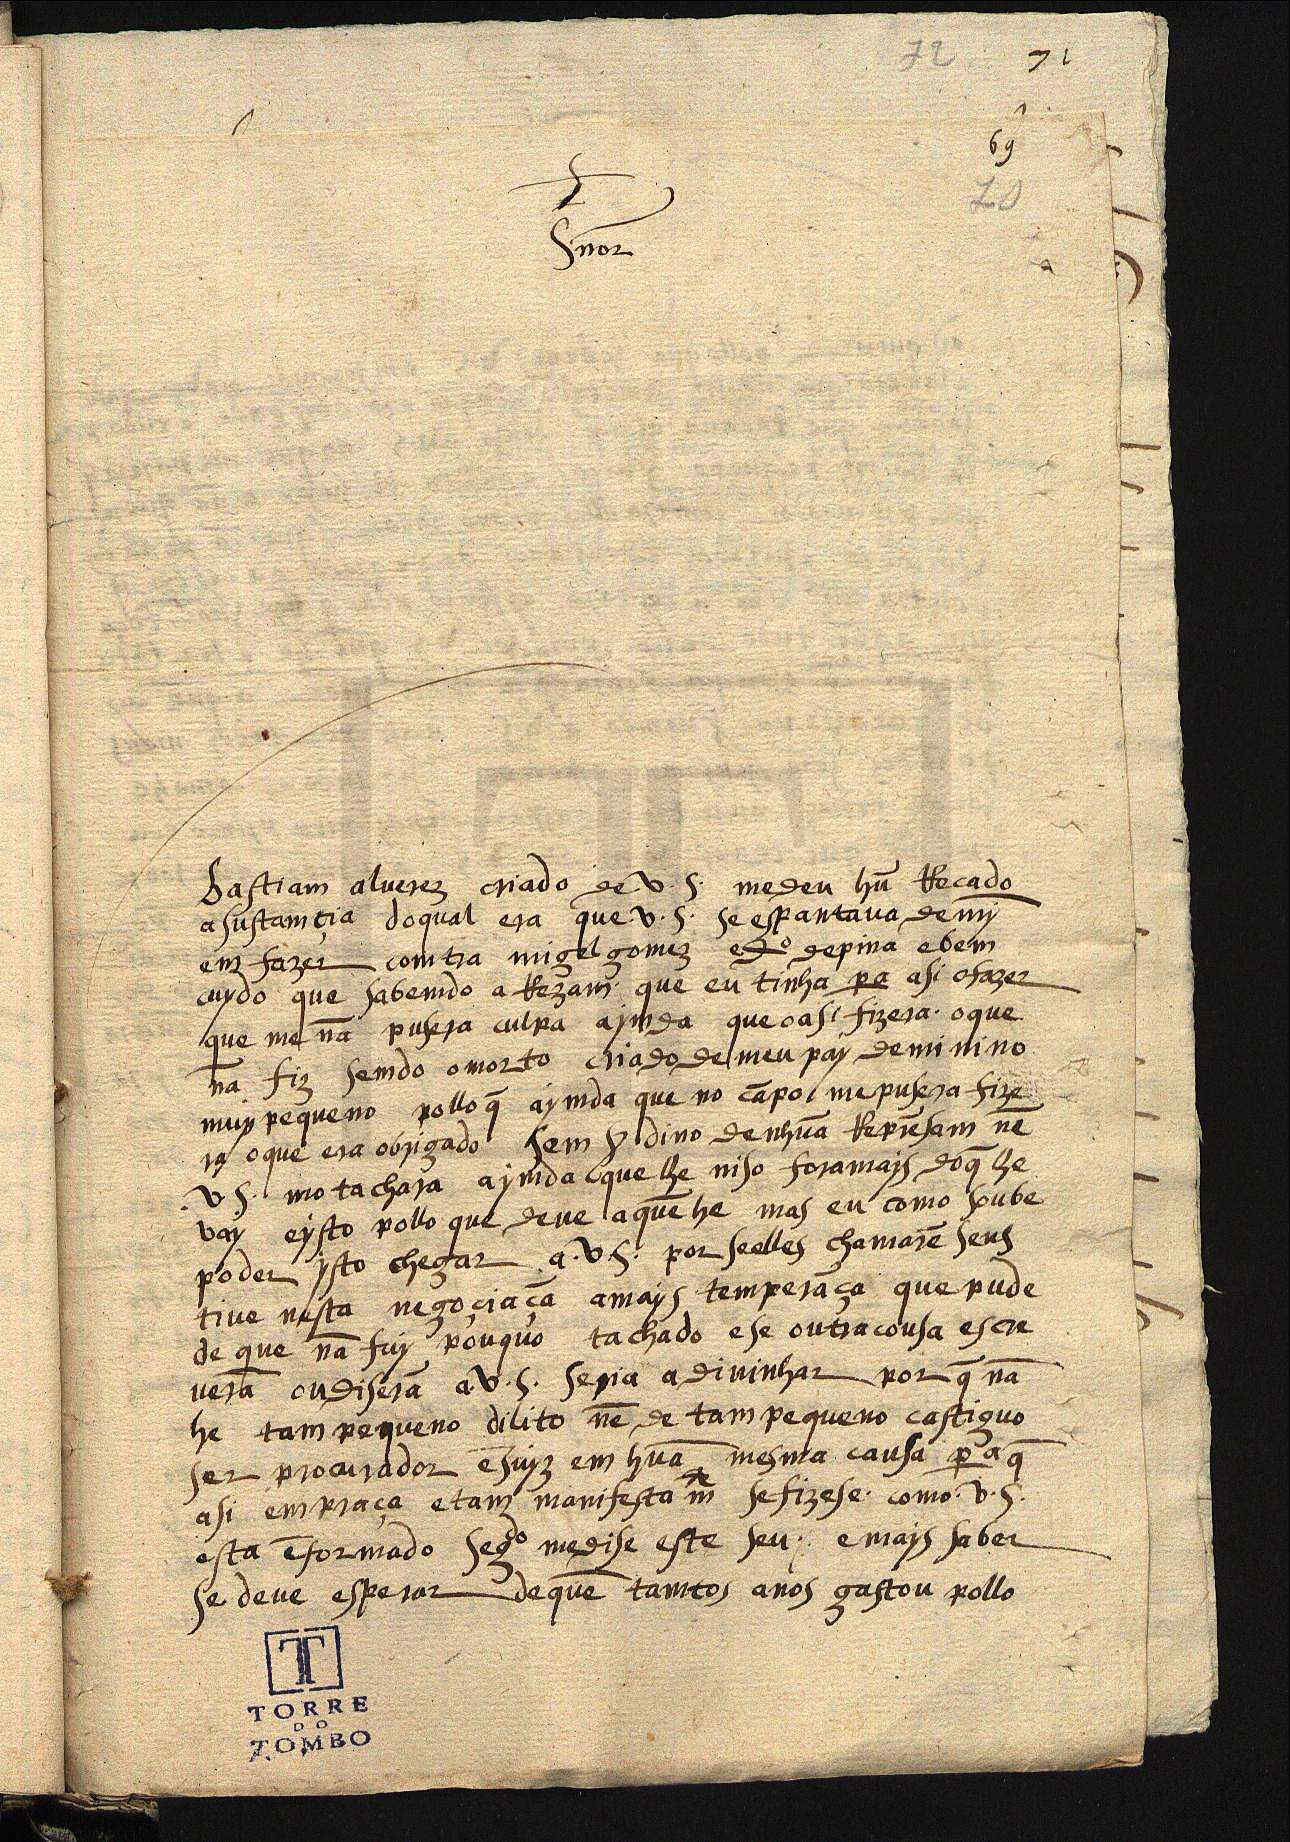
Sn̄or
bastiam aluerez criado de V. s. me deu hū Recado
a sustancia do qual era que V. s. se espantaua de mȳ
em fazer comtra migel gomez e do de pina e bem
cuydo que sabemdo a Rezam que eu tinha ꝑa asi o fazer
que me nā pusera culpa aynda que o asi fizera. o que
nā fiz semdo o morto criado de meu pay de minino
muy pequeno pollo q̄ aymda que no cāpo me pusera fize
ra o que era obrigado sem ꞩ dino de nhūa Reprēsam nē
V. s. mo tachara aynda que lhe niso fora mays do q̄ lhe
vay e ysto pollo que deue a quē he mas eu como soube
poder ysto chegar a V. s. por se elles chamarē seus
tiue nesta negociaçā a mays temperaça que pude
de que nā fuy pouquo tachado e se outra cousa escre
uerā ou diserā a V. s. seria a diuinhar por q̄ n̄a
he tam pequeno dilito n̄e de tam pequeno castiguo
ser procurador e Juiz em hūa mesma causa ꝑa q̄
asi em praça e tam manifestamte se fizese como V. s.
esta ēformado segdo me dise este seu /. e mays saber
se deue esperar de quē tamtos anos gastou pollo
